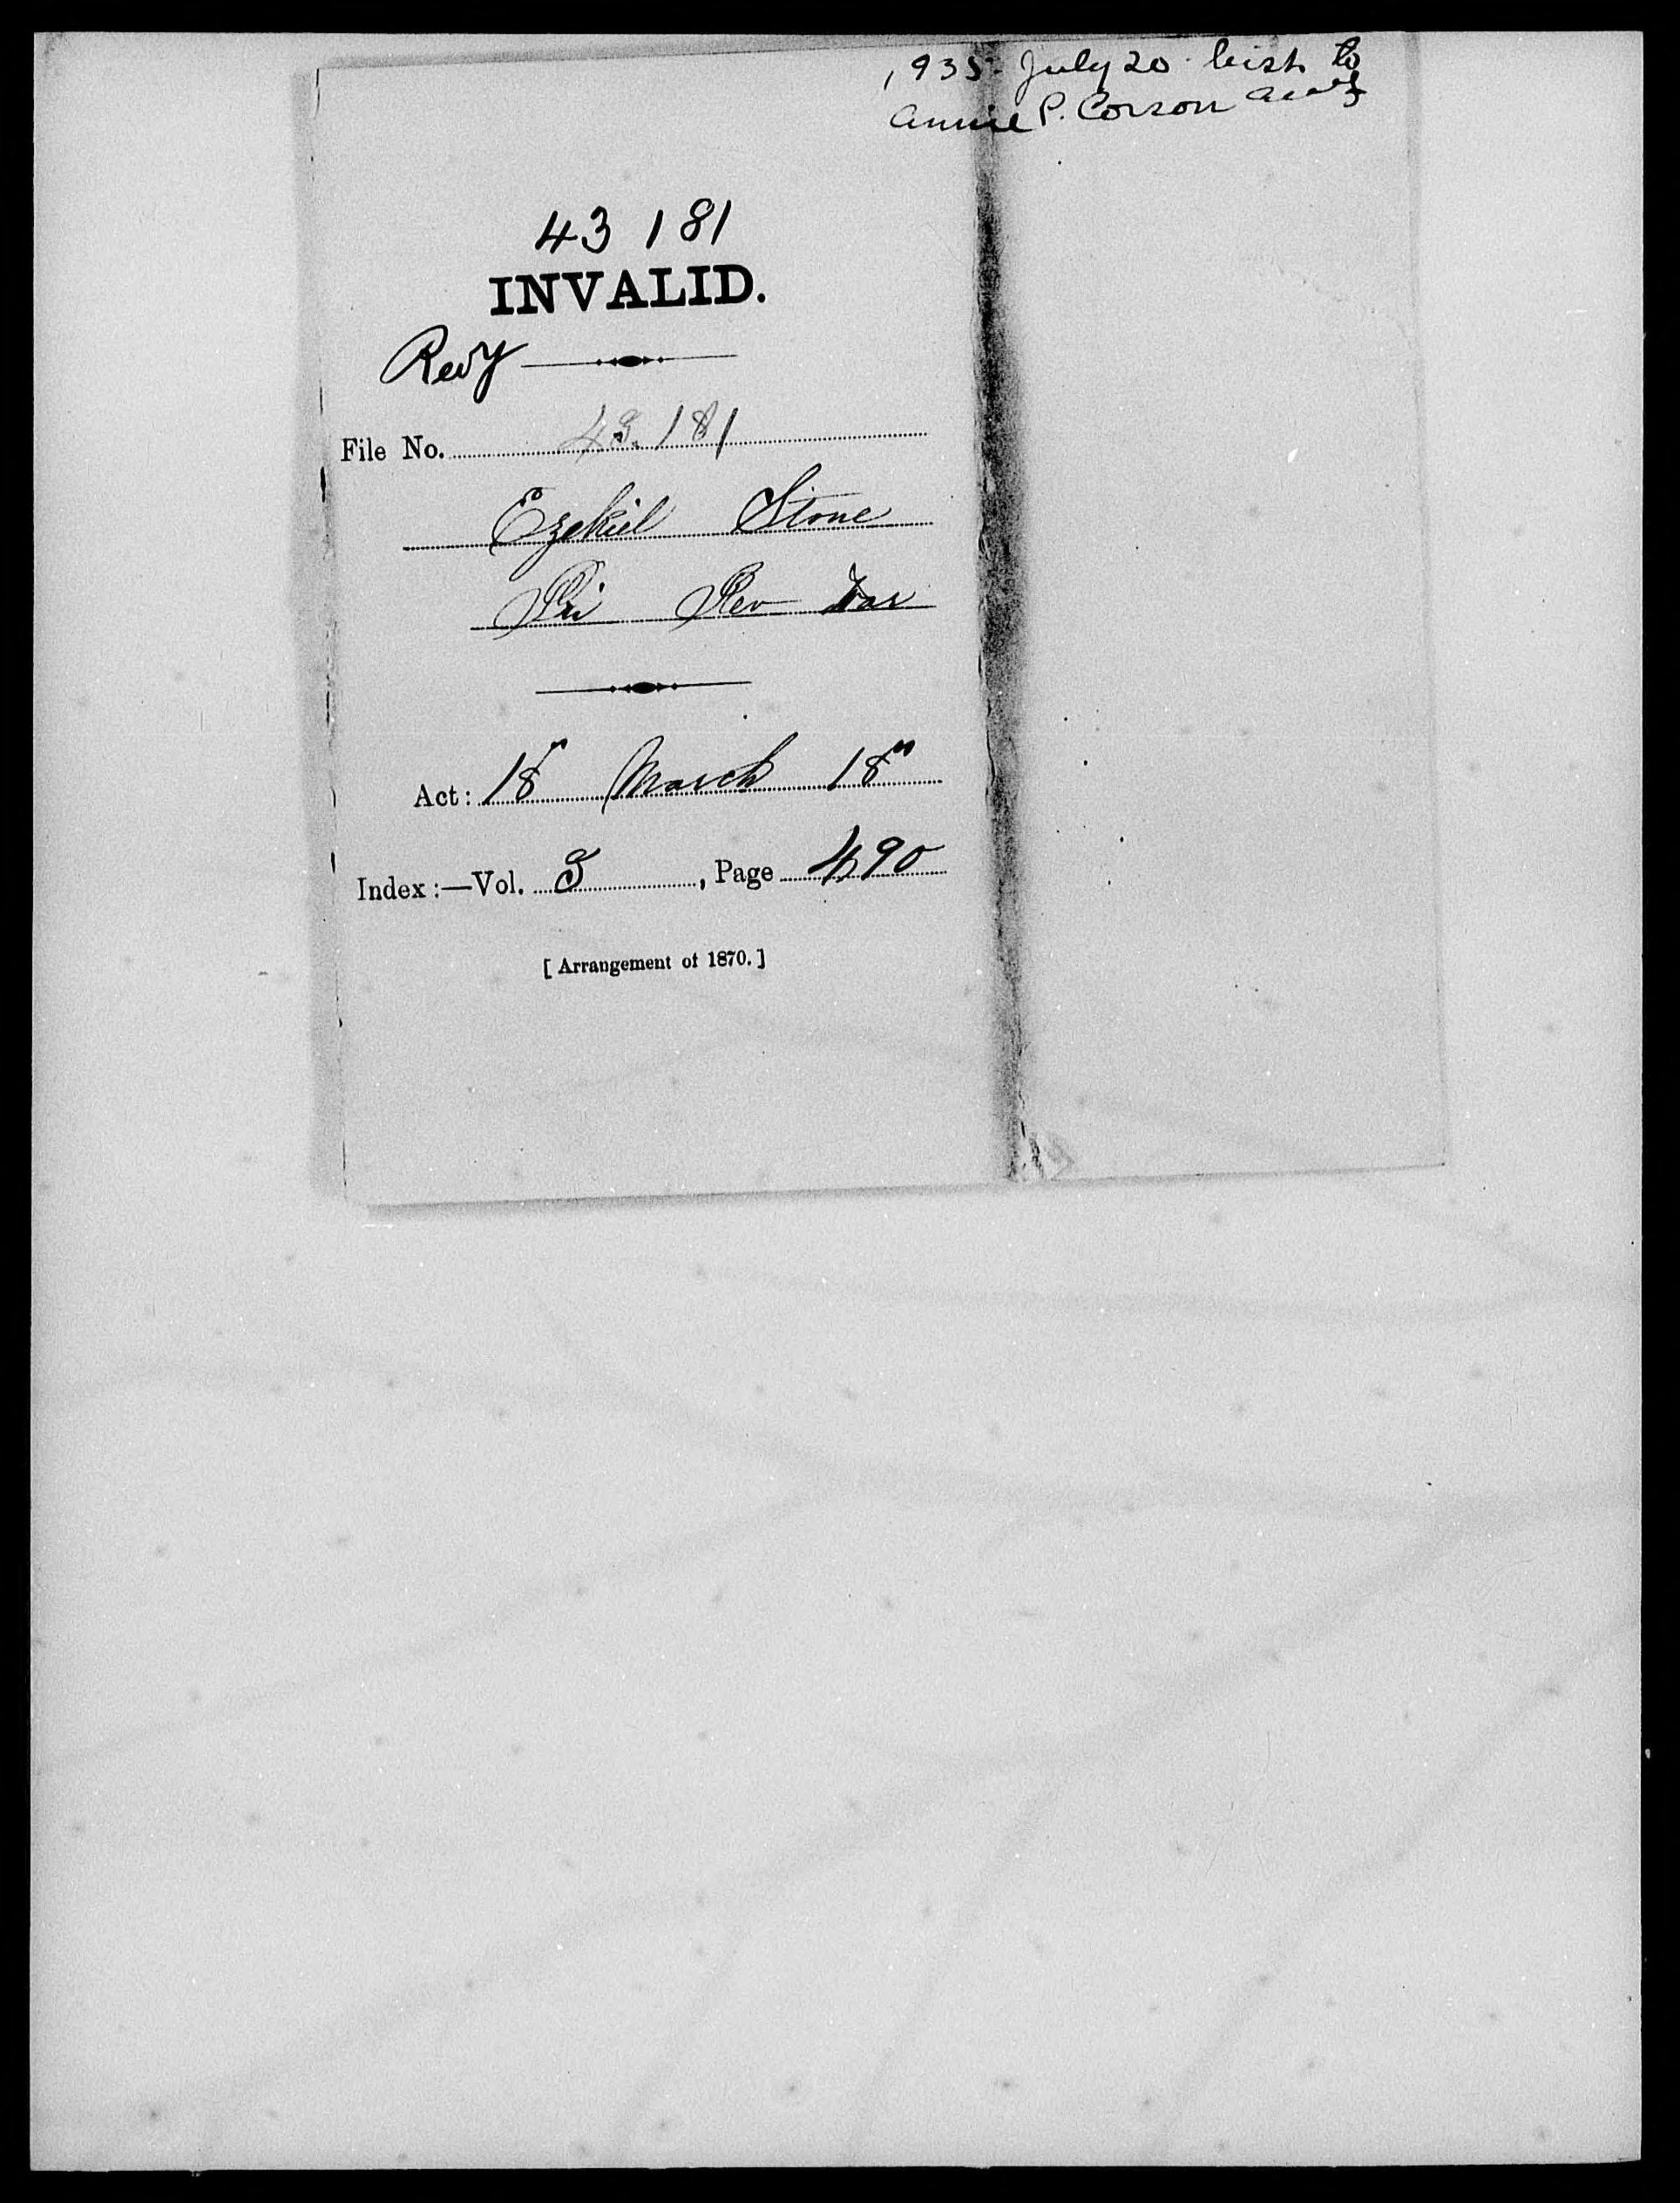[left side of page]

43181
Revy  INVALID.

File No. 43,181

Ezekiel Stone
Pri  Rev  War

Act:  18" March 18"

Index:---Vol. 5, Page 490

[Arrangement of 1870.]

[right side of page]

1935 July 20  hist to
Annie P. Corson  AWY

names: Annie P Corson; Ezekiel Stone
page: 20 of 38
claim: survivor's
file: S. 43181, for Ezekiel Stone, New Hampshire